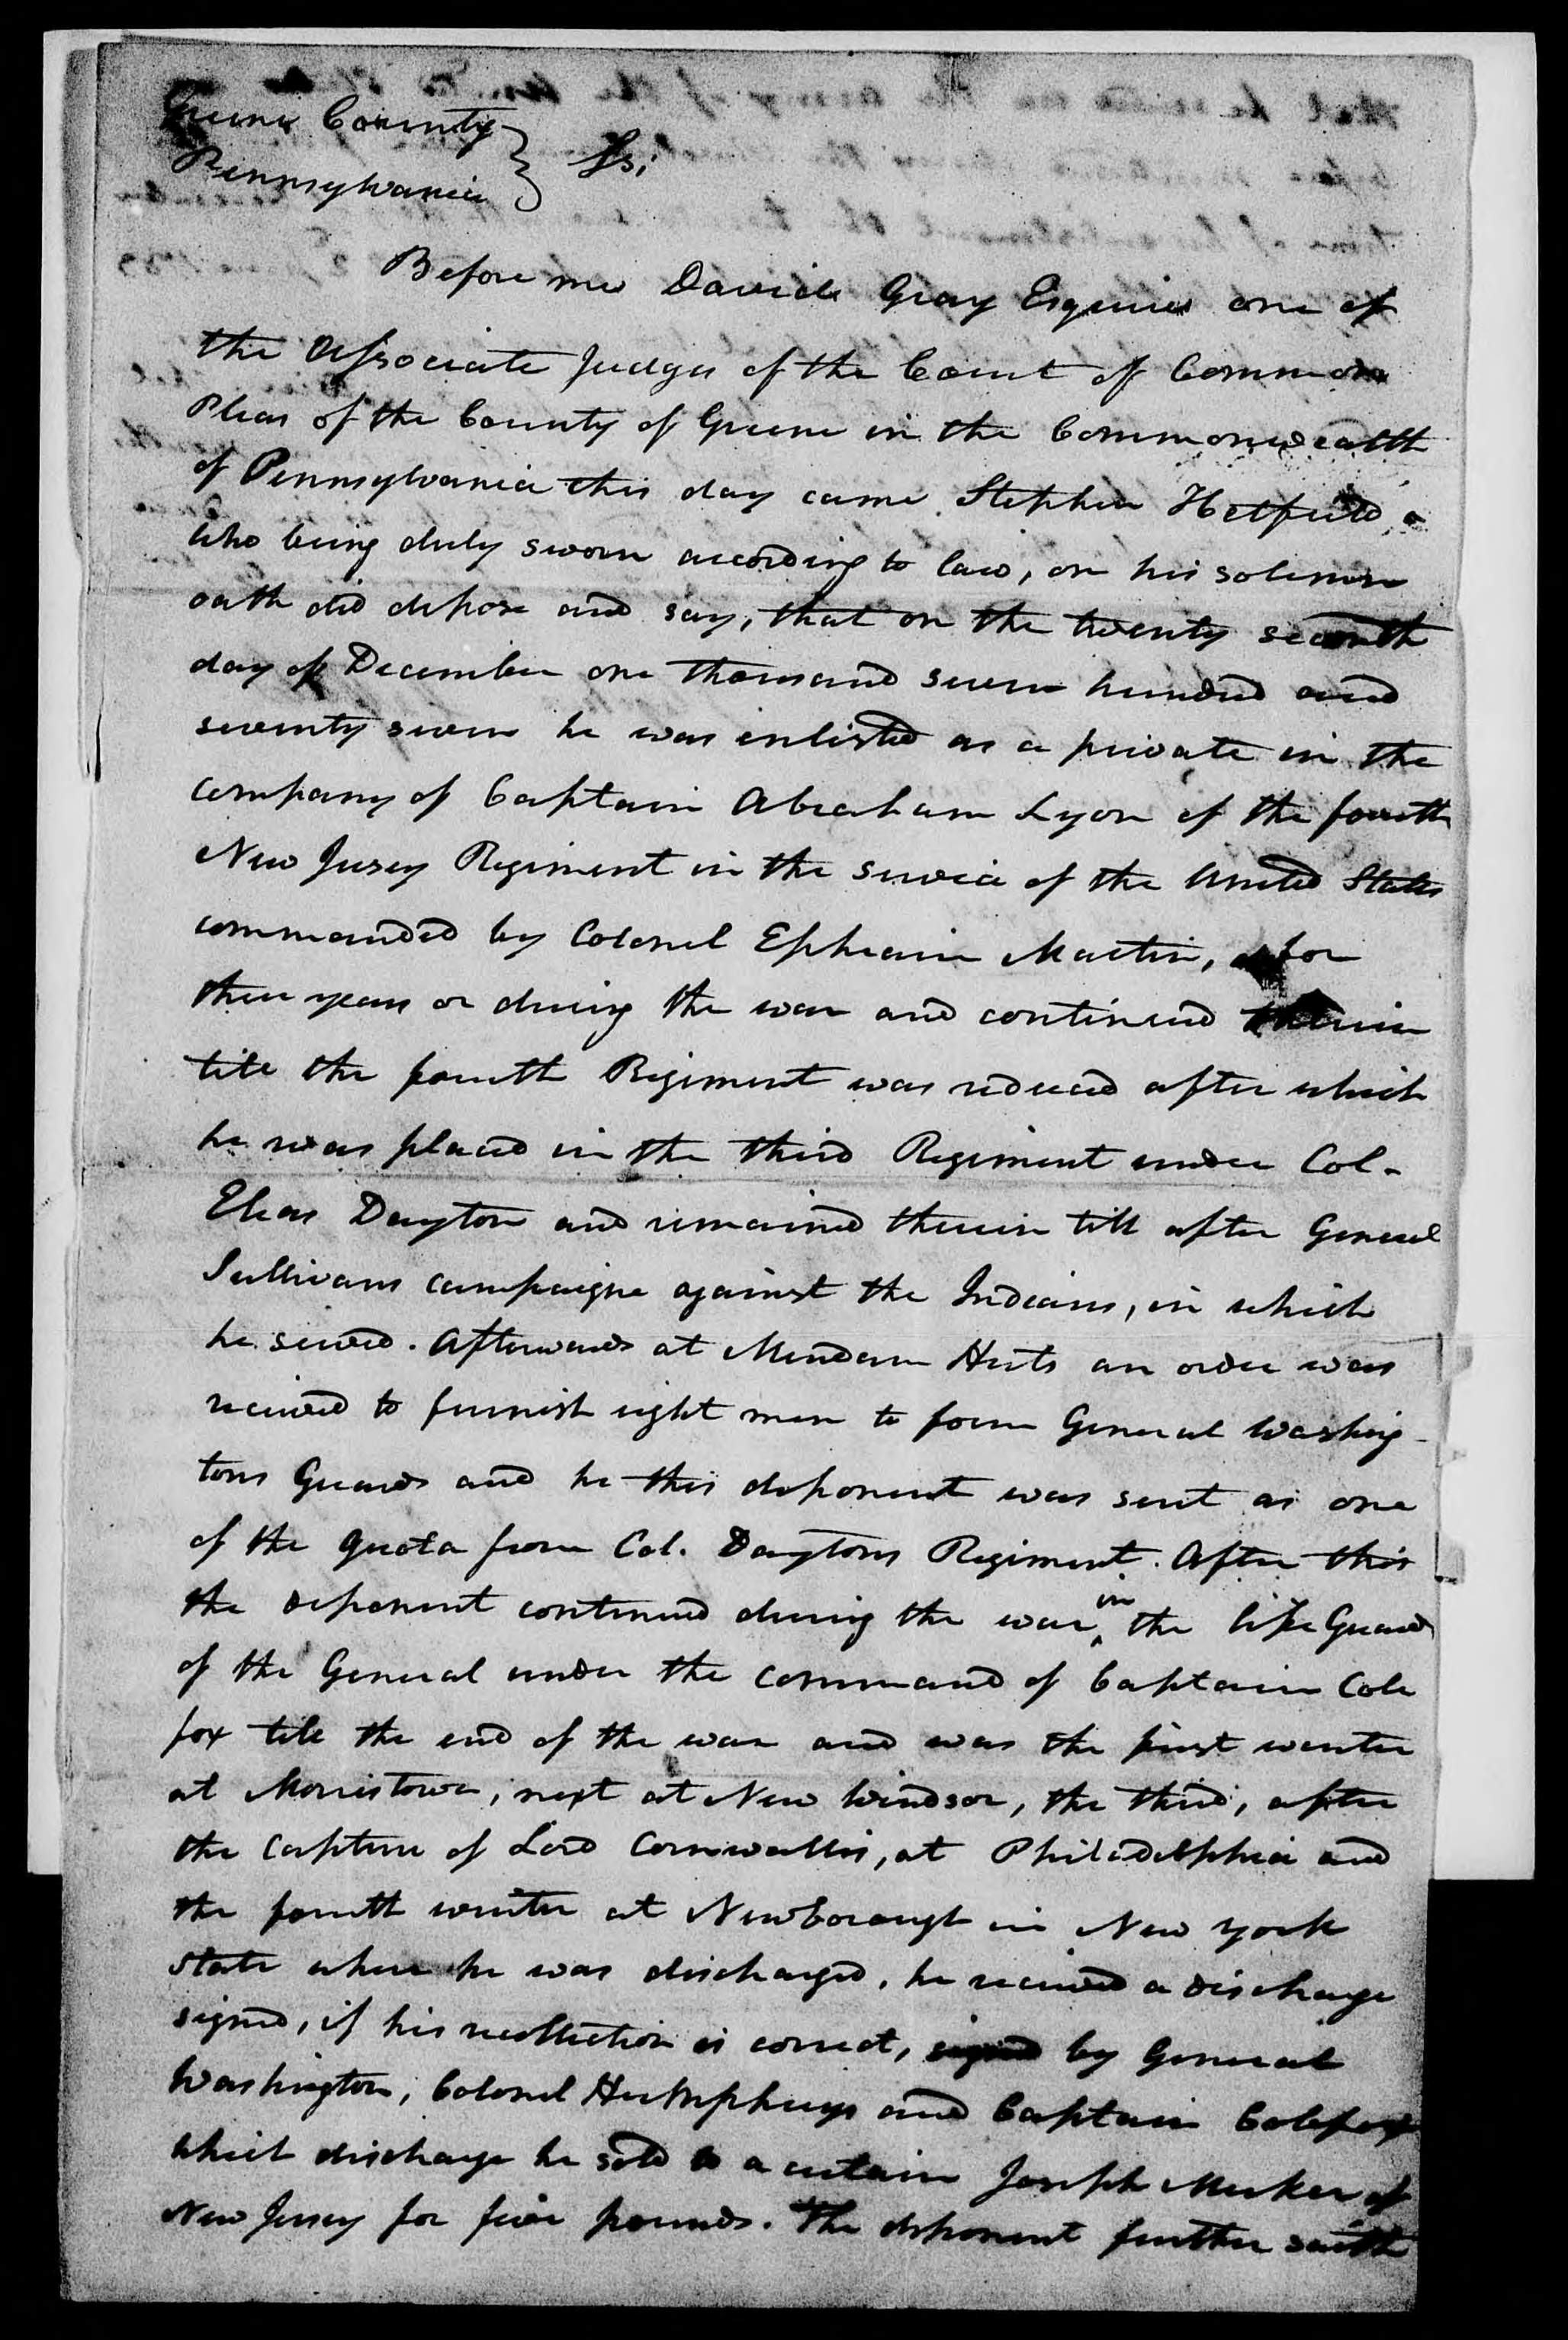Greene County
Pennsylvania   Ss.

Before me David Gray Esquire one of
the associate Judges of the Court of Common
Pleas of the County of Greene in the Commonwealth
of Pennsylvania this day came Stephen Hetfield
who being duly sworn according to law on his solemn
oath did depose and say that on the twenty seventh
day of December one thousand seven hundred and
seventy seven he was enlisted as a private in the
company of Captain Abraham Lyon of the fourth
New Jersey Regiment in the service of the United States
commanded by Colonel Ephraim Martin, for
three years or during the war, and continued therein
till the fourth Regiment was reduced after which
he was placed in the third Regiment under Col.
Elias Dayton and remained therein till after General
Sullivans campaign against the Indians, in which
he served.  Afterwards at Windsor Huts an order was
received to furnish eight men to form General Washingtons
Guards and he this deponent was sent as one
of the quota from Col. Daytons Regiment. After this
the deponent continued during the war in the life Guard
of the General under the command of Captain Colefax
till the end of the war and was the first winter
at Morristown; next at New Windsor, the third; after
the capture of Lord Cornwallis, at Philadelphia and
the fourth winter at Newborough in New York
State where he was discharged. he received a discharge
signed, if his recollection is correct, signed by General
Washington, Colonel Humphries and Captain Colefax
which discharge he sold to a certain Joseph Meeker of
New Jersey for five pounds. The deponent further saith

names: Abraham Lyon, Cornwallis, Ephraim Martin, Herkephings, Sullivans, Washington, Colefax, David Gray, Joseph Meeker, Washington, Elias Dayton, Colefax, Stephen Hetfield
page: 10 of 45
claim: widow's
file: W. 2734, Stephen Hetfield, New Jersey